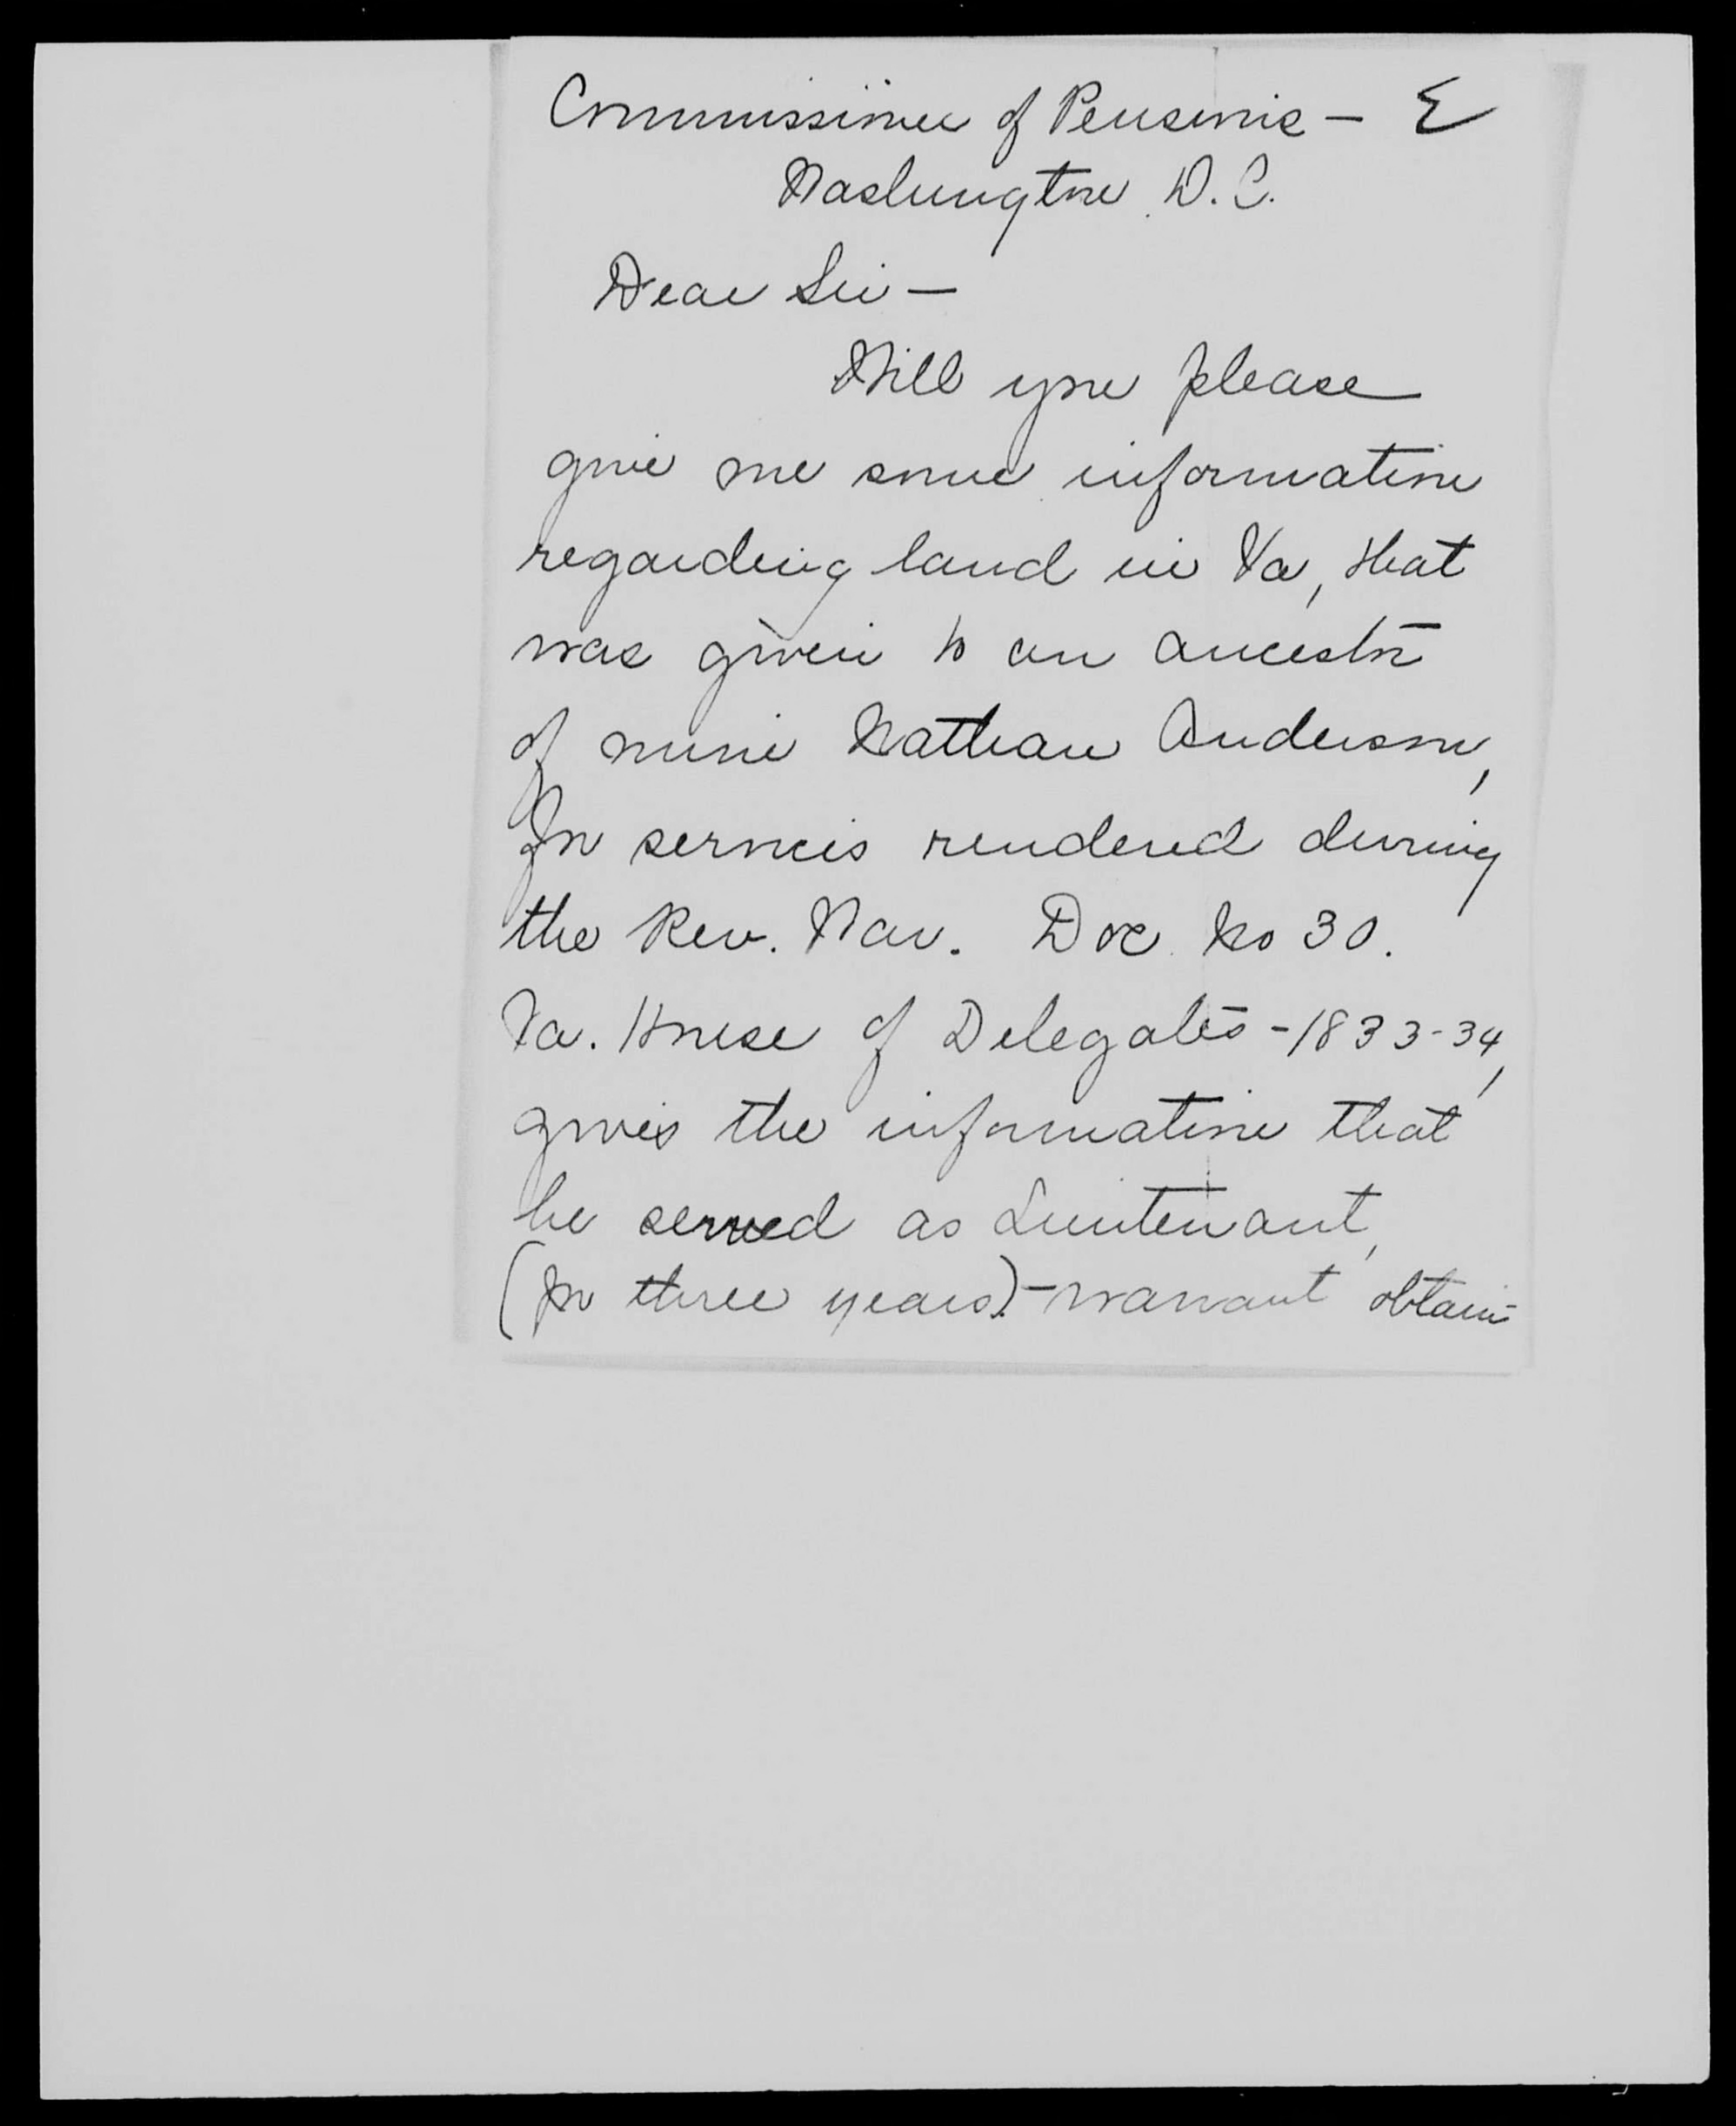E

Commissioner of Pensions—
Washington, D. C.

Dear Sir—
Will you please give me some information regarding land in Va, that was given to an ancestor of mine Nathan Anderson, for services rendered during the Rev. War.  Doc No. 30. Va. House of Delegates - 1833-34, gives the information that he served as Lieutenant (for three years) — warrant obtained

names: Nathan Anderson, Warrant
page: 39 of 43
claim: widow's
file: W. 5,626, Nathan Anderson, Va.